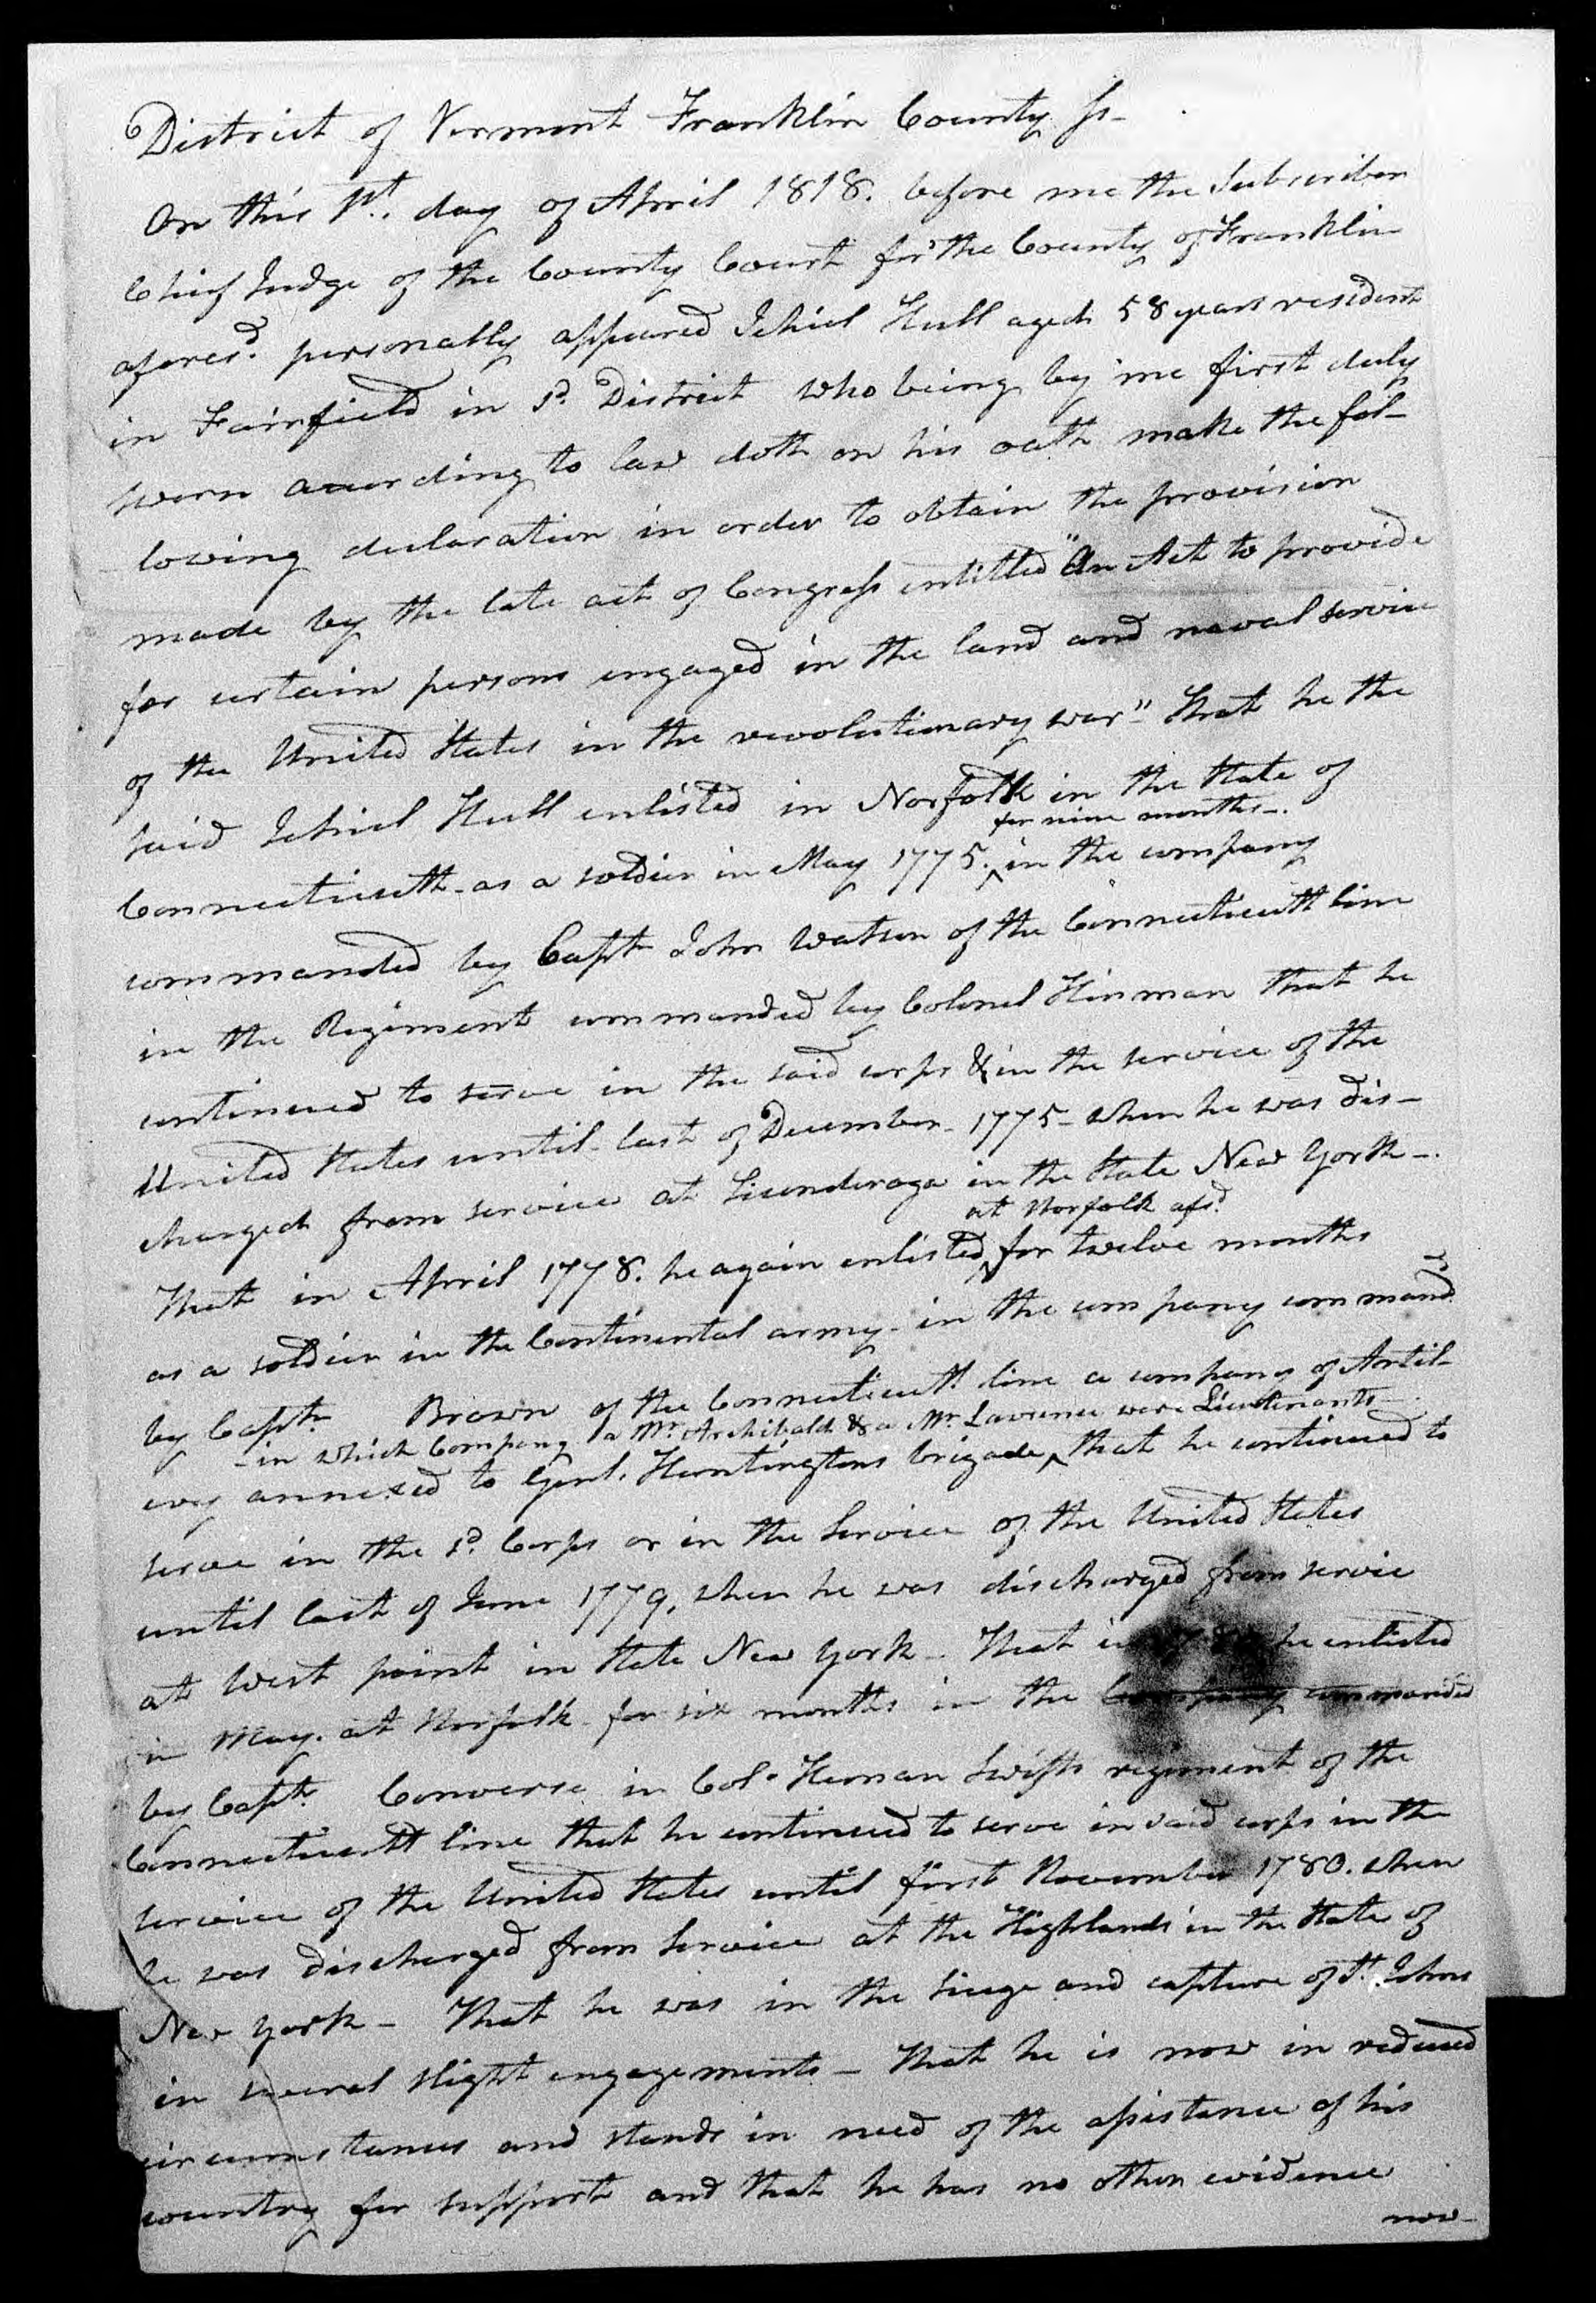District of Vermont Franklin County, Fr-
On this the 1st day of April 1818, before me the Subscriber Chief Judge of the County Court for the County of Franklin officer, personally appeared Jehiel Hull aged 58 years resident in Fairfield in s. District who being by me first duly sworn according to law doth on his oath make the first living declaration in order to obtain the provision made by the late act of Congress entitled "An Act to provide for for certain persons engaged in the land and naval service of the United States in the revolutionary war" - that he the said Jehiel Hull enlisted in Norfolk in the State of Connecticutt as a soldier in May 1775 for (insert for min months) in the company commanded by Capt John Watson of the Connecticut line in the Regiment commanded by Colonel Hinman that he intended to serve in the said unit in the service of the United States that until last December 1775 - when he was discharged from service at Ticonderoga in the State New York - that in the April 1778, he again enlisted (inserted at Norfolk afd) for twelve months as a soldier in the Contintental army in the company command by Capt. Brown of the Continential line a company of Artilery - and annexed to Regt Huntington Brigade (inserted - in which company a Mr. Archibald & Mr. Lawrence were Lieutenants) that he continues to serve in the 2d Corps or in the Service of the United States until last of June 1779, when he was discharged from service at West Point in State New York West in the (smudge) he enlisted in May at Norfolk for six months in the Company commanded by Capt. Converse in Col Heman Swift's regiment of the Connecticut line that he continued to serve in said corps in the service of the United States until first November 1780. When he was discharged from service at the Highlands in the State of New York - that he was in the siege and capture of St Johns in Minot Hight engagements - that he is now in reduced circumstances and stands in need of the assistance of his country for support and that he has no other evidence. 

more -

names: John Watson, Lawrence, Jehiel Hull, Brown, Hinman, Archibald, Converse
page: 5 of 58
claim: widow's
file: W. 25813, Jehiel Hull, Conn.